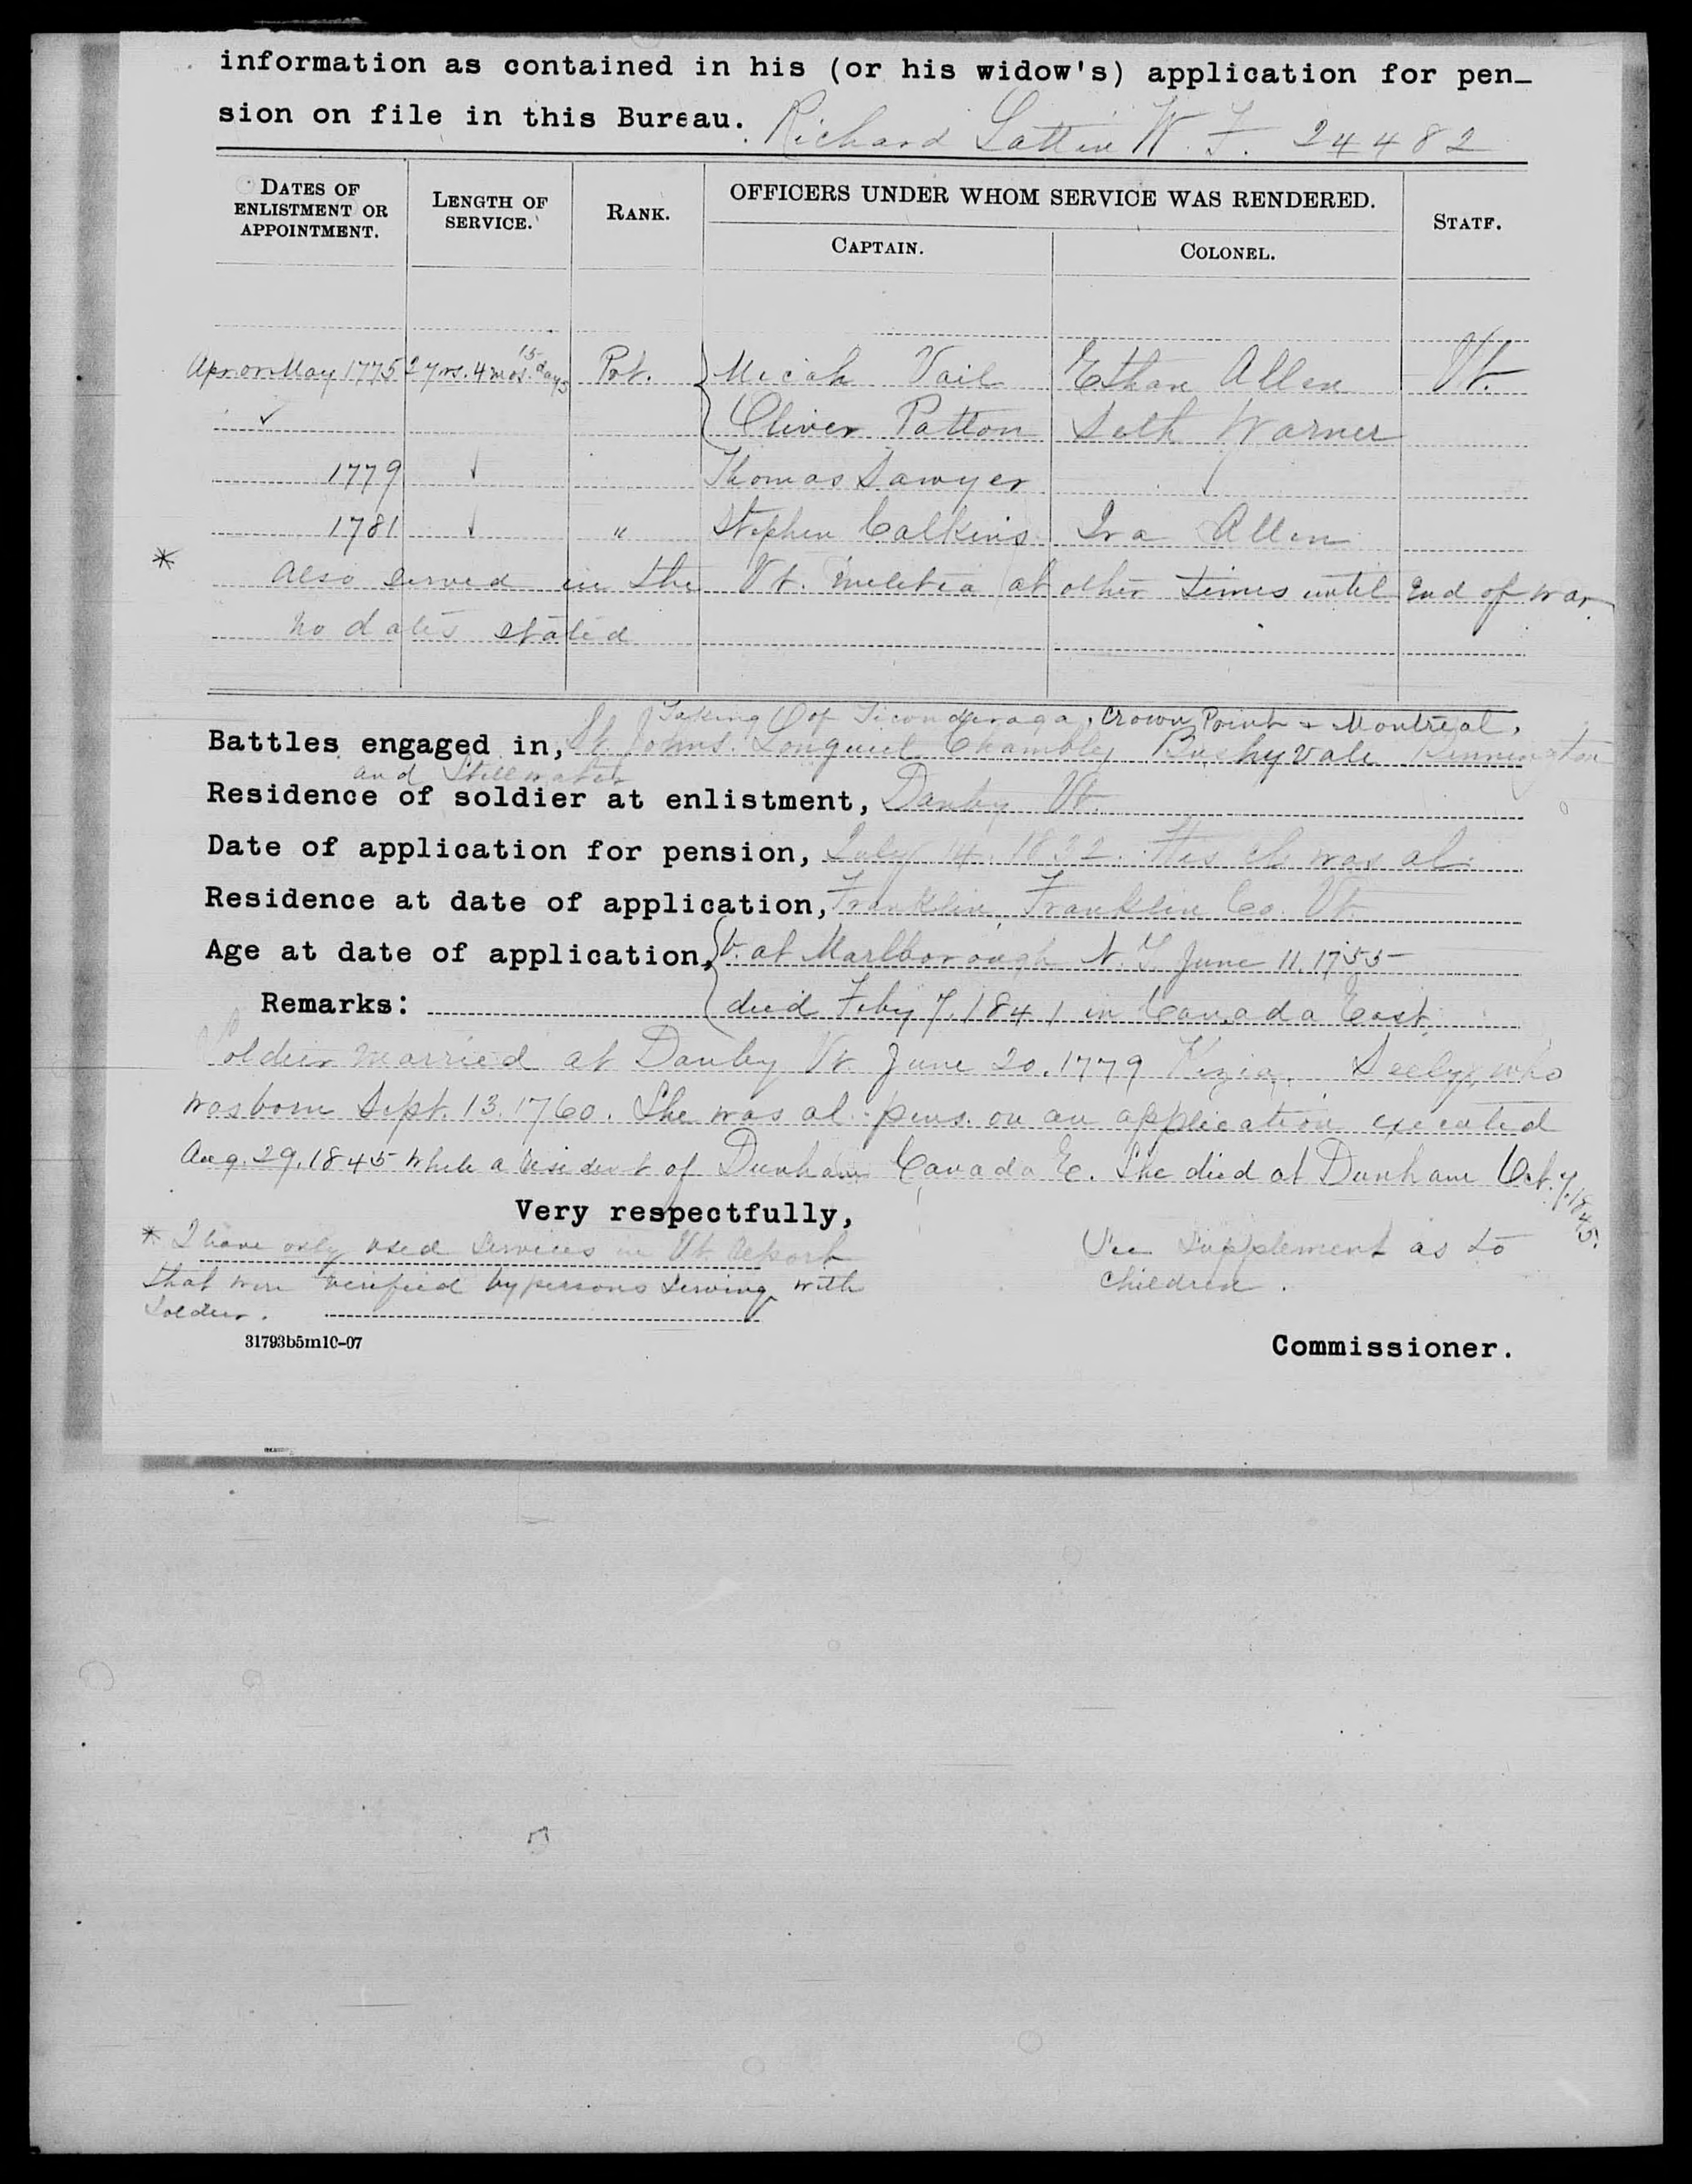information as contained in his (or his widow's) application for pension on file in this Bureau.  Richard Lattin, W. F. 24, 462

DATES OF ENLISTMENT OR APPOINTMENT.
Apr or May 1775
1779
1781

LENGTH OF SERVICE.
2 yrs. 4 mos. 15 days
[check mark]
[check mark]

RANK.
Pvt.

OFFICERS UNDER WHOM SERVICE WAS RENDERED.
CAPTAIN.
Micah Vail [&] Oliver Patton
Thomas Sawyer
Stephen Calkins

COLONEL.
Ethan Allen & Seth Warner
[check mark]
Ira Allen

STATE.
Vt.

*Also served in the Vt. militia at other times until end of
the war, no dates stated.

Battles engaged in Taking of Ticonderoga, Crown Point & Montreal,  St Johns, Longuile, Chambly, Bushyvalel, Bennington and Stillwater
Residence of soldier at enlistment, Danby, Vt.
Date of application for pension, July 14 1832 His claim was al.
Residence at date of application, Franklin, Franklin Co. Vt.
Age at date of application, b. at Marlborough N.Y. June 11, 1755 -died Feby 7, 1841 in Canada East 
Remarks:
Soldier married at Danby, Vt. June 20, 1779 Kezia Seely, who
was born Sept. 13, 1760. She was allowed pension on an
application executed Aug. 29, 1845, while a resident of Dunham, Canada E. She died at Dunham Oct 7. 1845.
See Supplement for data as to family.

Very respectfully,
Commissioner.

*I have only used services in Vt. report that were verified by persons serving with the soldier.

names: Micah Vail; Thomas Sawyer; Kezia Seely; Ethan Allen; Ira Allen; Stephen Calkins; Sath Warner; Richard Lattin; Oliver Patton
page: 88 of 99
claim: widow's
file: W. 24,482, for Richard Lattin, Vermont